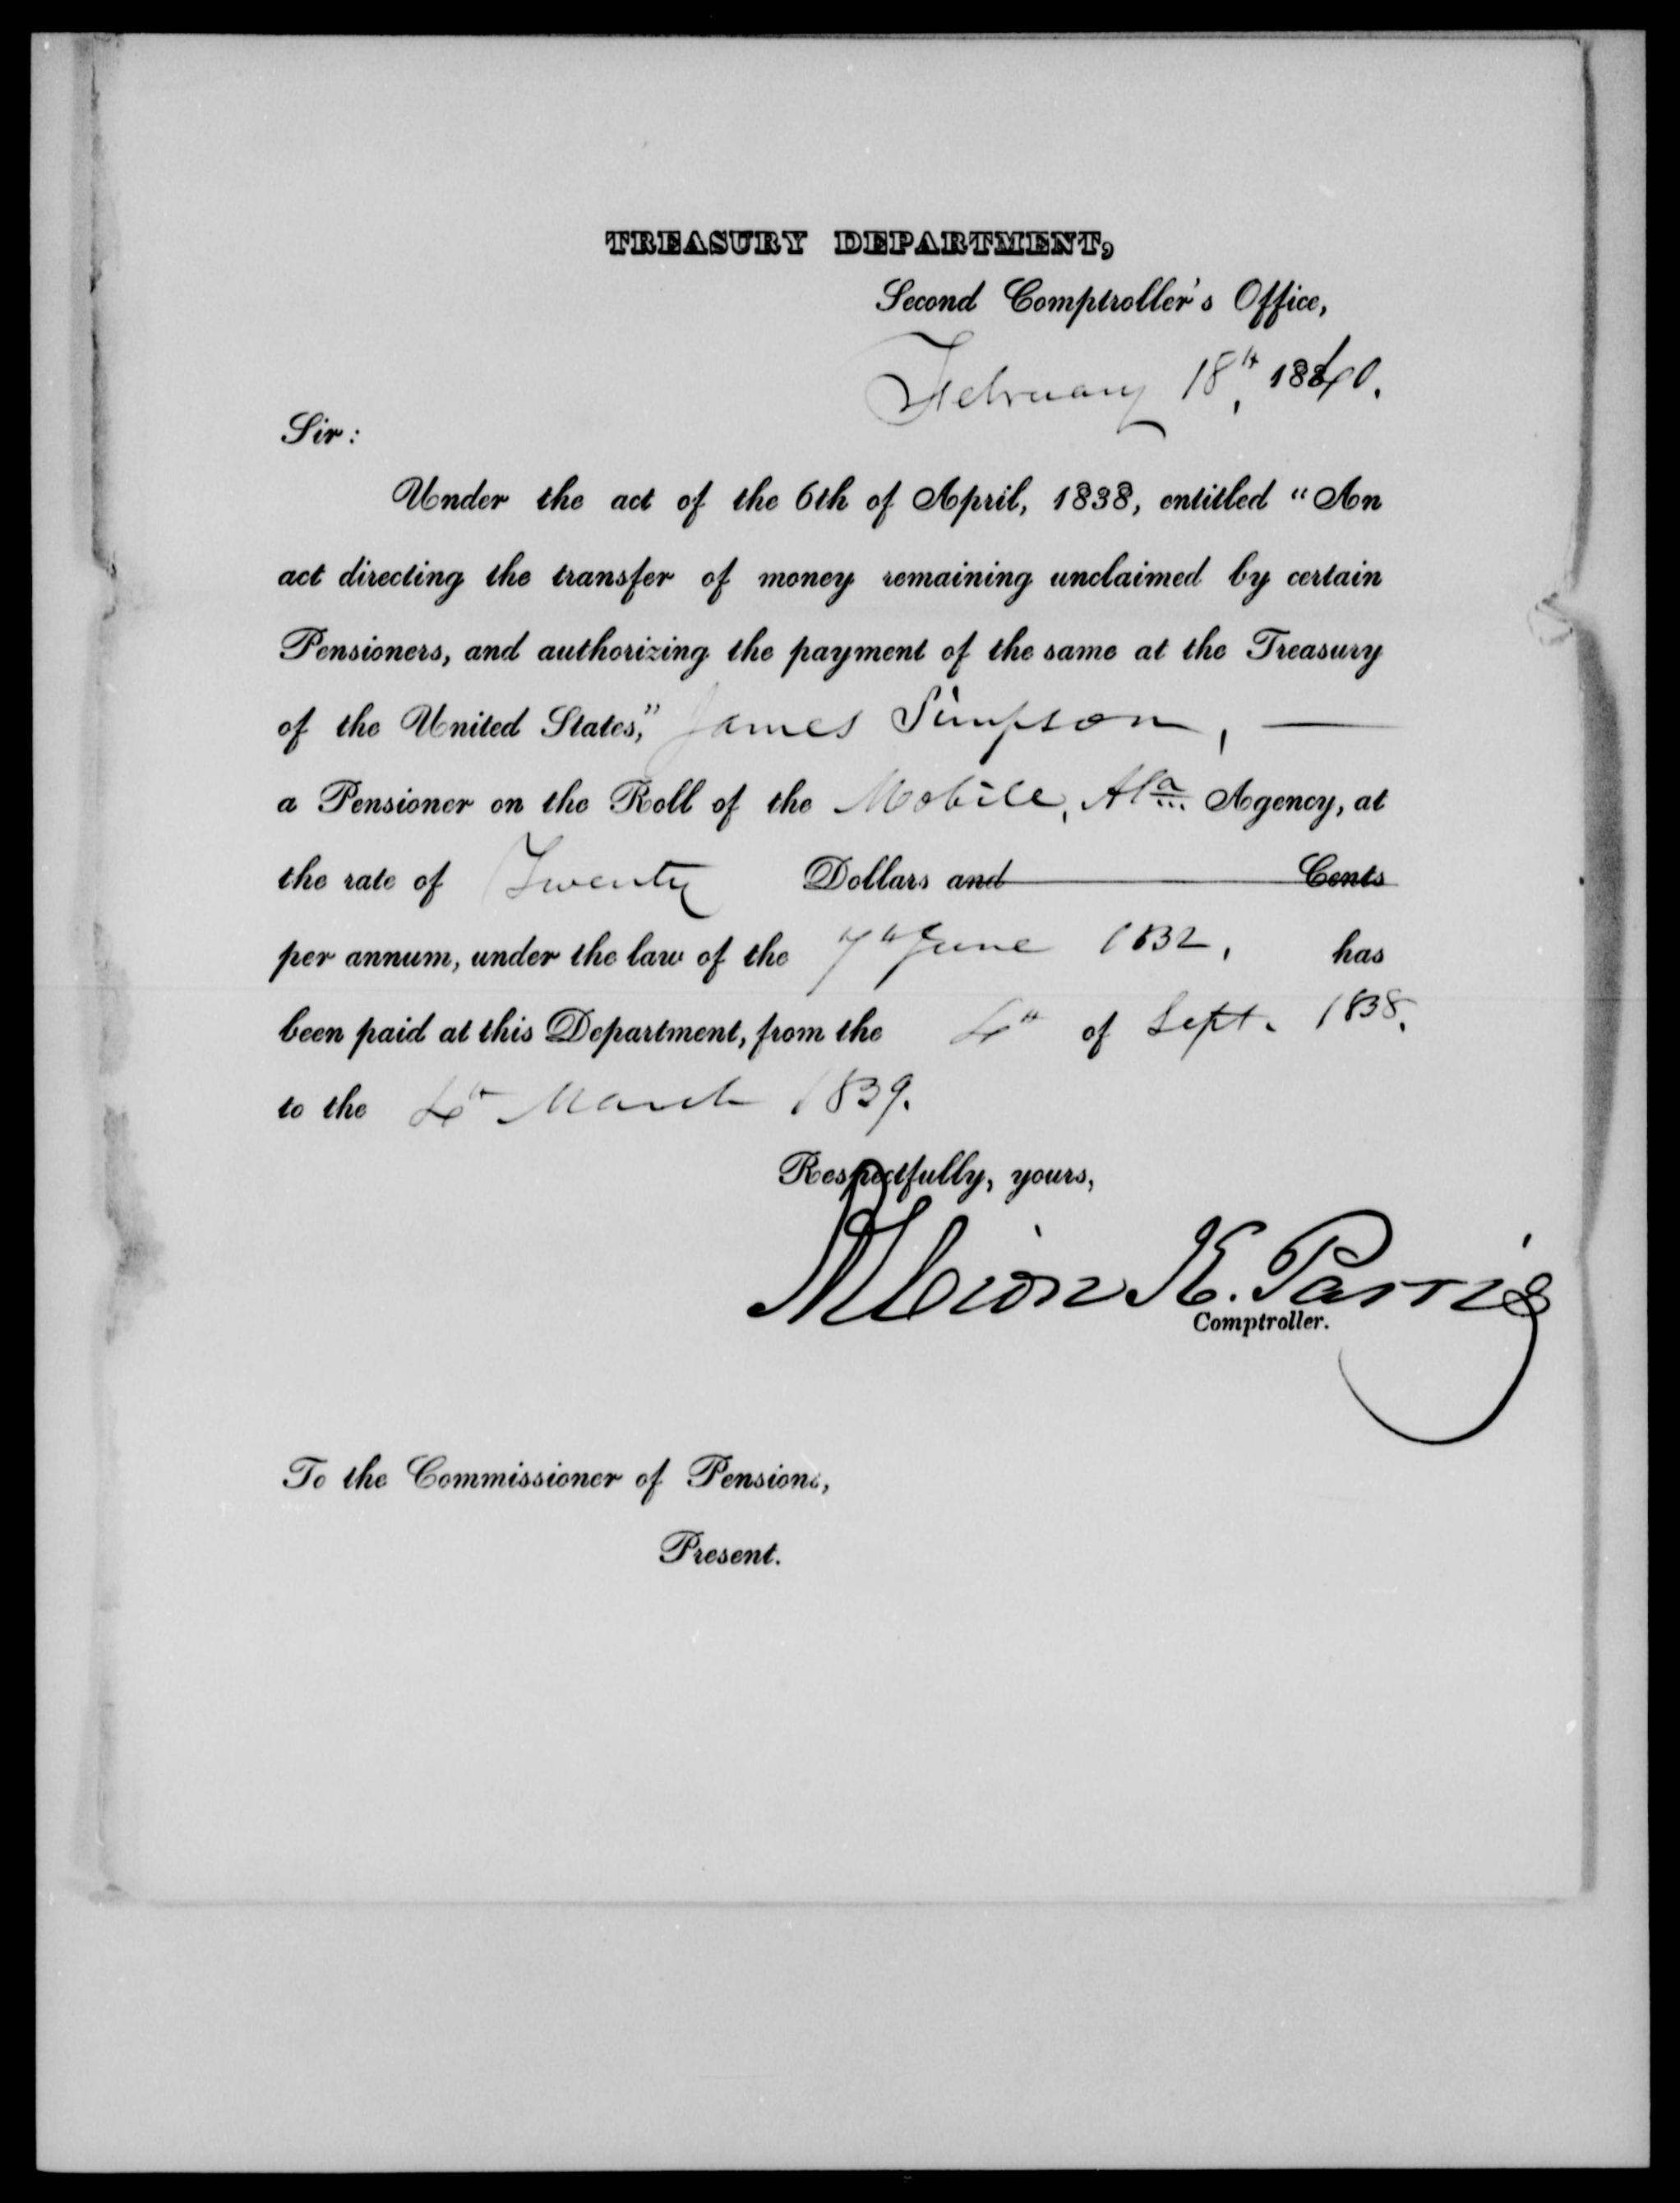TREASURY DEPARTMENT,
Second Comptroller's Office,
February 18th, 1840.

Sir:
   Under the act of the 6th of April, 1838, entitled "An act directing the transfer of money remaining unclaimed by certain Pensioners, and authorizing the payment of the same at the Treasury of the United States," James Simpson, -- a Pensioner on the Roll of the Mobile, Ala Agency at the rate of Twenty Dollars per annum, under the law of the 7th June 1832, has been paid at this Department, from the 4th of Sept. 1838, to the 4th March 1839.
   Respectfully, yours,
Albion K. Parris
Comptroller.

To the Commissioner of Pensions, 
     Present.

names: James Simpson; Albion K Parris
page: 11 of 17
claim: survivor's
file: S. 11401, for James Simpson, South Carolina